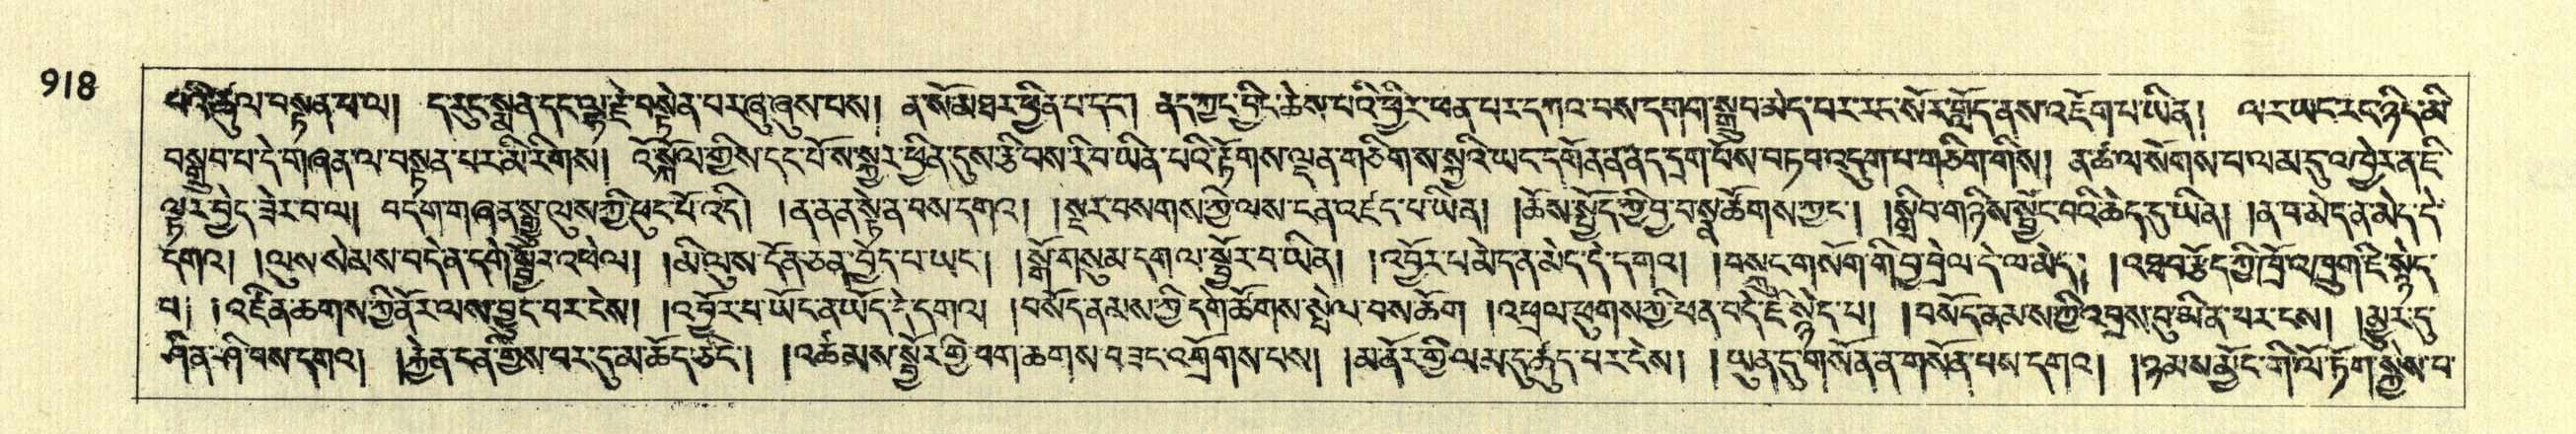པའི་ཚུལ་བསྟན་པ་ལ། ད་རུང་སྨན་དང་ལྷ་རྗེ་བསྟེན་པར་ཞུ་ཞུས་པས། ན་སོ་མཐར་ཕྱིན་པ་དང་། ནད་ཀྱང་བྱིང་ཆེས་པའི་ཕྱིར་ཕན་པར་དཀའ་བས་དགག་སྒྲུབ་མེད་བར་རང་སོར་གློད་ནས་འཇོག་པ་ཡིན། ལར་ཡང་རང་ཉིད་མི་
བསྒྲུབ་པ་དེ་གཞན་ལ་བསྟན་པར་མི་རིགས། འོ་སྐོལ་གྱིས་དང་པོ་ས་སྐྱར་ཕྱིན་དུས་རྩི་བས་རི་བ་ཡིན་པའི་རྟོགས་ལྡན་གཅིག་ས་སྐྱའི་ཡང་དགོན་ན་ནད་དྲག་པོས་བཏབ་འདུག་པ་གཅིག་གིས། ན་ཚ་ལ་སོགས་པ་ལམ་དུ་འཁྱེར་ན་ཇི་
ལྟར་བྱེད་ཟེར་བ་ལ། བདག་གཞན་སྒྱུ་ལུས་ཀྱི་ཕུང་པོ་འདི། །ན་ན་ན་སྟེན་བས་དགའ། །སྔར་བསགས་ཀྱི་ལས་ངན་འཛད་པ་ཡིན། །ཆོས་སྤྱོད་ཀྱི་བྱ་བ་སྣ་ཚོགས་ཀྱང་། །སྒྲིབ་གཉིས་སྤྱོང་བའི་ཆེད་དུ་ཡིན། །ན་བ་མེད་ན་མེད་དེ་
དགའ། །ལུས་སེམས་བདེ་ན་དགེ་སྦྱོར་འཕེལ། །མི་ལུས་དོན་ཅན་བྱེད་པ་ཡང་། །སྒོ་གསུམ་དག་ལ་སྦྱོར་བ་ཡིན། །འབྱོར་པ་མེད་ན་མེད་དེ་དགའ། །བསྐུང་གསོག་གི་བྱ་བྲེལ་དེ་ལ་མེད། །འཐབ་རྩོད་ཀྱི་ཁྲོ་འཁྲུག་ཇི་སྙེད་
པ། །འཛིན་ཆགས་ཀྱི་ནོར་ལས་བྱུང་བར་ངེས། །འབྱོར་པ་ཡོང་ན་ཡོད་དེ་དགའ། །བསོད་ནམས་ཀྱི་དགེ་ཚོགས་སྤེལ་བས་ཆོག །འཕྲལ་ཕུགས་ཀྱི་ཕན་བདེ་ཇེ་སྙེད་པ། །བསོད་ནམས་ཀྱི་འབྲས་བུ་མིན་པར་ངས། །མྱུར་དུ་
ཤིན་ཤི་བས་དགའ། །རྐྱེན་ངན་གྱིས་བར་དུ་མཆོད་ཅིང་། །འཚམས་སྦྱོར་གྱི་བག་ཆགས་བཟང་འགྲོགས་པས། །མ་ནོར་གྱི་ལམ་དུ་ཚུད་པར་ངེས། །ཡུན་དུ་གསོན་ན་གསོན་པས་དགའ། །ཉམས་མྱོང་གི་ལོ་ཏོག་སྐྱེས་པ་